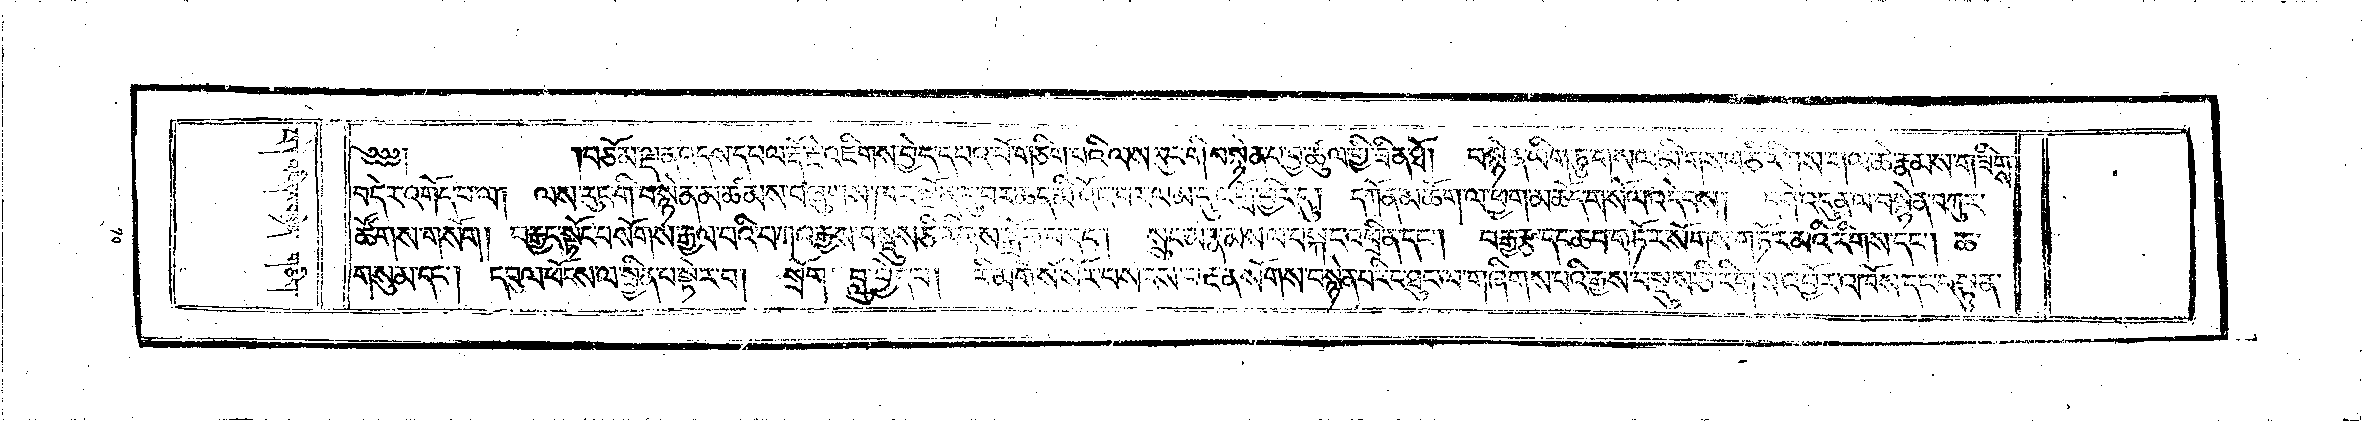༄༅༅། །བཅོམ་ལྡན་འདས་དཔལ་རྡོ་རྗེ་འཇིགས་བྱེད་དཔའ་བོ་གཅིག་པའི་ལས་གུང་གི་བསྙེན་པ་བྱ་ཚུལ་གྱི་ཟིན་ཐོ། བསྙེན་ཡིག་ཏུ་གསལ་མི་གསལ་ཅི་རིགས་གལ་ཆེ་རྣམས་གཟིགས་
བདེར་འགོད་པ་ལ། ལས་རུང་གི་བསྙེན་མཚམས་བཞུགས་ཁར་སྔོན་དུ་བར་ཆད་མི་འོང་བར་ལམ་དུ་འགྲོ་ཕྱིར་དུ། དཀོན་མཆོག་ལ་ཕྱག་མཆོད་གསོལ་འདེབས། དགེ་འདུན་ལ་བསྙེན་བཀུར་
ཚོགས་གསོག །བརྒྱད་སྟོང་པ་སོགས་རྒྱལ་བའི་བཀའ་རྒྱས་བསྦུས་ཅི་རིགས་སྒྲོག་པ་དང་། སྲུང་མ་རྣམས་ལ་བསྐང་འཕྲིན་དང་། བརྒྱ་རྩ་དང་ཆབ་གཏོར་སོགས་གཏོར་མའི་རིགས་དང་། ཆ་
གསུམ་དང་། དབུལ་ཕོངས་ལ་སྦྱིན་པ་སྟེར་བ། སྲོག་བླུ་བྱེད་པ། རི་མགོ་སོ་སོར་བསངས་བརྔན་སོགས་བསྙེན་པ་རིང་ཐུང་ལ་གཞིགས་པའི་རྒྱས་བསྡུས་ཅི་རིགས་འབྱོར་འཁོས་དང་བསྟུན་